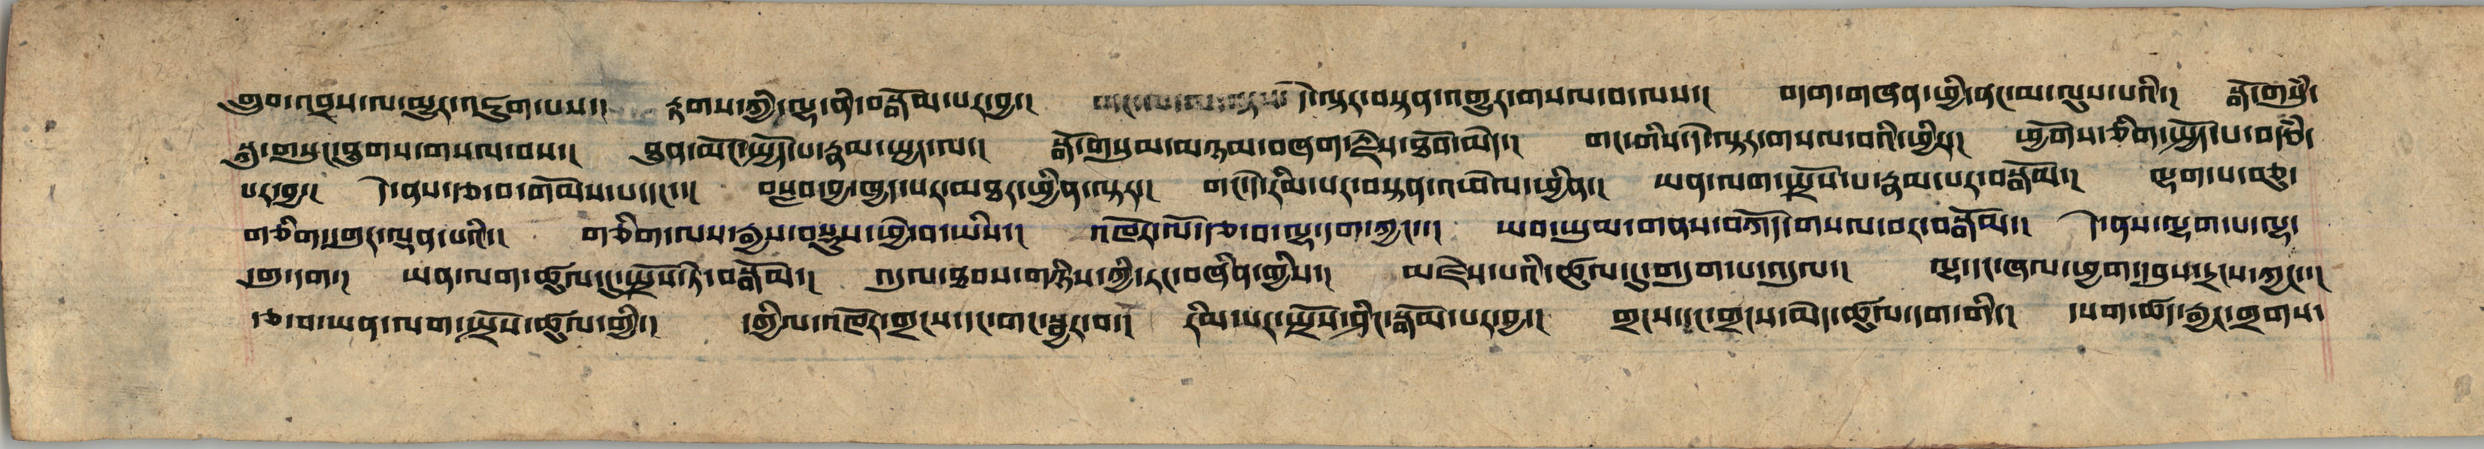གྲུབ་འབྲས་ལ་མྱུར་འཇུག་པས་། རྟགས་གྱི་ལྷ་ནི་བསྒོམ་པར་བྱ་། གང་ལ་མ་ལྟས་ དེ་ལྟར་བསྟན་འགྱུར་གསལ་བ་ལས་། བདག་གཞན་ཕྱི་ནང་མ་ལུས་པའི་། སྒོ་གསུཾ་
སྐུ་གསུང་ཐུགས་གསལ་བས་། ཐུན་མོང་སྤྱོད་པ་རྣམ་སྤྱད་ལ་། སྒོ་གསུམ་མཉམ་བཞག་རྗེས་ཐོབ་མེད་། གང་གིས་དེ་ལྟར་གསལ་བའི་ཕྱིར་། ཕྱོགས་ཅིག་སྤྱོད་པ་བརྩཾ་
པར་བྱ་། དེ་ནས་རྩ་བ་གོམས་པ་དང་་། བསླབ་བྱ་ཁྱད་པར་མཐར་ཕྱིན་ལྟར་། གང་དེ་རིམ་པར་བསྟན་འཕེལ་ཕྱིན་། ཡན་ལག་སྤྲོས་པ་རྣམ་པར་བསྒོམ་། ལྷག་པ་བཅུ་
གཅིག་དགུར་ལྡན་པའི་། གཅིག་ལས་རྒྱས་བསྡུས་ཕྱེ་བ་ཡིས་། འཁོར་ལོ་རྩ་བ་ལྷ་དག་ཀྱང་་། ཡབ་ཡུམ་གནས་བཀོད་གསལ་བར་བསྒོམ་། དེ་ནས་ལྷག་པ་ལྷ་
དགུ་དག་། ཡན་ལག་ཚུལ་དུ་སྤྲོས་ཏེ་བསྒོམ་། འདུལ་ཐབས་གཉིས་ཀྱི་རང་བཞིན་གྱིས་། མཛེས་པའི་ཚུལ་དུ་གདུག་པ་འདུལ་། ལྷ་དང་ཞལ་ཕྱག་དབུས་དྲངས་ཀྱང་་།
རྩ་བ་ཡན་ལག་སྤྲོས་ཚུལ་གྱི་། དཀྱིལ་འཁོར་གྲངས་དང་གང་སྦྱར་བ་། རིམ་པར་སྤྲོས་ཤིང་སྒོམ་པར་བྱ་། གྲངས་དང་གྲངས་མེད་ཚུལ་དག་གི་། དཔག་ཚད་རྒྱང་གྲགས་